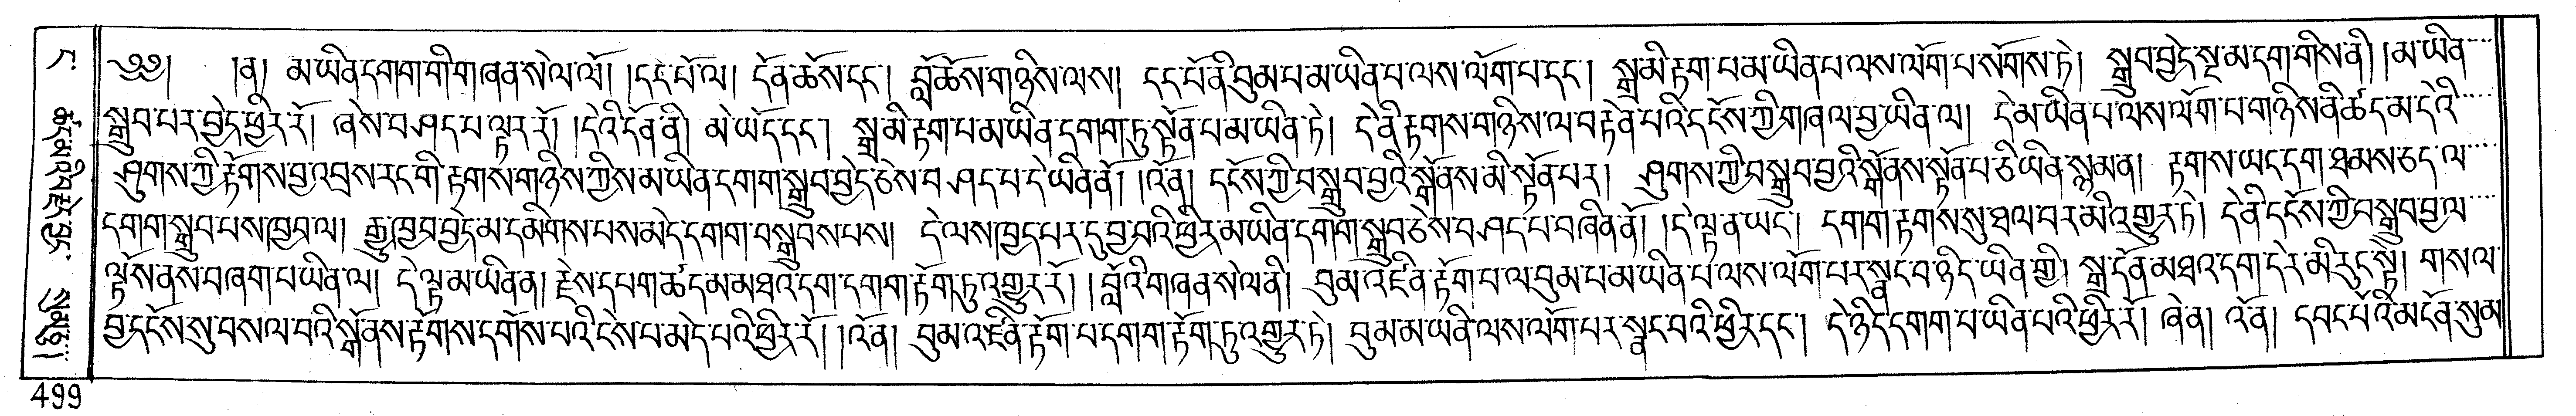༄༅། །ན། མ་ཡིན་དགག་གི་གཞན་སེལ་ལོ། །དང་པོ་ལ། དོན་ཆོས་དང་། བློ་ཆོས་གཉིས་ལས། དང་པོ་ནི་བུམ་པ་མ་ཡིན་པ་ལས་ལོག་པ་དང་། སྒྲ་མི་རྟག་པ་མ་ཡིན་པ་ལས་ལོག་པ་སོགས་ཏེ། སྒྲུབ་བྱེད་སྔ་མ་དག་གིས་ནི། །མ་ཡིན་
སྒྲུབ་པར་བྱེད་ཕྱིར་རོ། ཞེས་བཤད་པ་ལྟར་རོ། །དེའི་དོན་ནི། མེ་ཡོད་དང་། སྒྲ་མི་རྟག་པ་མ་ཡིན་དགག་ཏུ་སྟོན་པ་མ་ཡིན་ཏེ། དེ་ནི་རྟགས་གཉིས་ལ་བརྟེན་པའི་དངོས་ཀྱི་གཞལ་བྱ་ཡིན་ལ། དེ་མ་ཡིན་པ་ལས་ལོག་པ་གཉིས་ནི་ཚད་མ་དེའི་
ཤུགས་ཀྱི་རྟོགས་བྱ་འབྲས་རང་གི་རྟགས་གཉིས་ཀྱིས་མ་ཡིན་དགག་སྒྲུབ་བྱེད་ཅེས་བཤད་པ་དེ་ཡིན་ནོ། །འོ་ན། དངོས་ཀྱི་བསྒྲུབ་བྱའི་སྒོ་ནས་མི་སྟོན་པར། ཤུགས་ཀྱི་བསྒྲུབ་བྱའི་སྒོ་ནས་སྟོན་པ་ཅི་ཡིན་སྙམ་ན། རྟགས་ཡང་དག་ཐམས་ཅད་ལ་
དགག་སྒྲུབ་པས་ཁྱབ་ལ། རྒྱུ་ཁྱབ་བྱེད་མ་དམིགས་པས་མེད་དགག་བསྒྲུབས་པས། དེ་ལས་ཁྱད་པར་དུ་བྱ་བའི་ཕྱིར་མ་ཡིན་དགག་སྒྲུབ་ཅེས་བཤད་པ་བཞིན་ནོ། །དེ་ལྟ་ན་ཡང་། དགག་རྟགས་སུ་ཐལ་བར་མི་འགྱུར་ཏེ། དེ་ནི་དངོས་ཀྱི་བསྒྲུབ་བྱ་ལ་
ལྟོས་ནས་བཞག་པ་ཡིན་ལ། དེ་ལྟ་མ་ཡིན་ན། རྗེས་དཔག་ཚད་མ་མཐའ་དག་དགག་རྟོག་ཏུ་འགྱུར་རོ། །བློའི་གཞན་སེལ་ནི། བུམ་འཛིན་རྟོག་པ་ལ་བུམ་པ་མ་ཡིན་པ་ལས་ལོག་པར་སྣང་བ་ཉིད་ཡིན་གྱི། སྒྲ་དོན་མཐའ་དག་དེར་མི་རུང་སྟེ། གསལ་
བྱ་དངོས་སུ་བསལ་བའི་སྒོ་ནས་རྟོགས་དགོས་པའི་ངེས་པ་མེད་པའི་ཕྱིར་རོ། །འོ་ན། བུམ་འཛིན་རྟོག་པ་དགག་རྟོག་ཏུ་འགྱུར་ཏེ། བུམ་མ་ཡིན་ལས་ལོག་པར་སྣང་བའི་ཕྱིར་དང་། དེ་ཉིད་དགག་པ་ཡིན་པའི་ཕྱིར་རོ། ཞེ་ན། འོ་ན། དབང་པོའི་མངོན་སུམ་